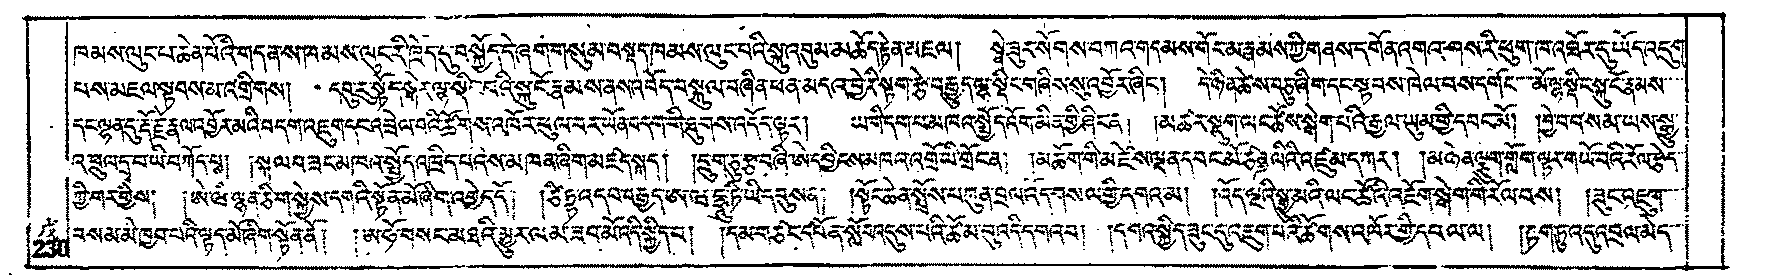ཁམས་ལུང་པ་ཆེན་པོའི་གདན་ས་ཁམས་ལུང་རི་ཁྲོད་དུ་བསྐྱོད་དེ་ཞག་གསུམ་བསྡད་ཁམས་ལུང་པའི་སྐུ་འབུམ་མཆོད་རྟེན་མཇལ། སྣེ་ཟུར་སོགས་བཀའ་གདམས་གོང་མ་རྣམས་ཀྱི་གནས་དགོན་འགའ་ཤས་རི་ཕུག་ཁ་འཐོར་དུ་ཡོད་འདུག་
པས་མཇལ་སྟབས་མ་འགྲིགས། དབུ་རུ་སྟོད་སྒེར་ལྷ་སྡིང་པའི་སྐུ་ངོ་རྣམས་ནས་འབོད་བསྐུལ་བཞིན་ཕན་མདའ་བྱེ་རི་སྟག་རྩེ་བརྒྱུད་ལྷ་སྡིང་གཞིས་སུ་འབྱོར་ཞིང་། དེ་ཉིན་ཚེས་བཅུ་ཞིག་དང་སྟབས་ཁེལ་བས་དགོང་མོ་ལྷ་སྡིང་སྐུ་ངོ་རྣམས་
དང་ལྷན་དུ་རྡོ་རྗེ་རྣལ་འབྱོར་མའི་བདག་འཇུག་དང་འབྲེལ་བའི་ཚོགས་འཁོར་ཕུལ་བར་ཡོན་བདག་གི་ཐུགས་འདོད་ལྟར། ཡ་གི་དག་པ་མཁའ་སྤྱོད་འོག་མིན་གྱི་ཞིང་ན། །མཚར་སྡུག་ལང་ཚོས་སྒེག་པའི་རྒྱལ་ཡུམ་གྱི་དབང་མོ། །བྱེ་བ་བསམ་ཡས་སྒྱུ་
འཕྲུལ་དྲྭ་བ་ཡི་བཀོད་པས། །སྐལ་བཟང་མཁའ་སྤྱོད་འཁྲིད་པའི་ས་མཁན་ཞིག་མཛད་སྐད། །དྲུག་ཅུ་རྩ་བཞི་ཨེ་དབྱིངས་མཁའ་འགྲོ་ཡི་གྲོང་ན། །མཆོག་གི་མཛེས་ལྡན་དབང་མོ་ཙནྜ་ལིའི་འཛུམ་དཀར། །མཉེན་ལྕུག་གློག་ལྟར་གཡོ་པའི་རོལ་རྩེད་
ཀྱི་གར་གྱིས། །ཨེ་ཝཾ་ལྷན་ཅིག་སྐྱེས་དགའི་སྟོན་མོ་ཞིག་འགྱེད་དོ། །ཙིཏྟ་འདབ་བརྒྱད་ཨ་ཝ་དྷཱུ་ཏི་ཡི་དབུས་ན། །སྟོང་ཆེན་སྤྲོས་པ་ཀུན་བྲལ་འོད་གསལ་གྱི་དགའ་མ། །འོད་ལྔའི་སྒྱུ་མའི་ལང་ཚོའི་འཇོག་སྒེག་གི་རོལ་བས། །ཟུང་འཇུག་
བསམ་མི་ཁྱབ་པའི་ལྟད་མོ་ཞིག་སྟོན་ནོ། །ཨ་ཧོ་གསང་མཐའི་མྱུར་ལམ་ཟབ་མོ་འདི་སྐྱིད་པ། །དམ་གཙང་དཔོན་སློབ་འདུས་པའི་ཚོམ་བུ་འདི་དགའ་བ། །དགའ་སྐྱིད་ཟུང་དུ་འཇུག་པའི་ཚོགས་འཁོར་གྱི་དཔལ་ལ། །རྟག་ཏུ་འདུ་འབྲལ་མེད་